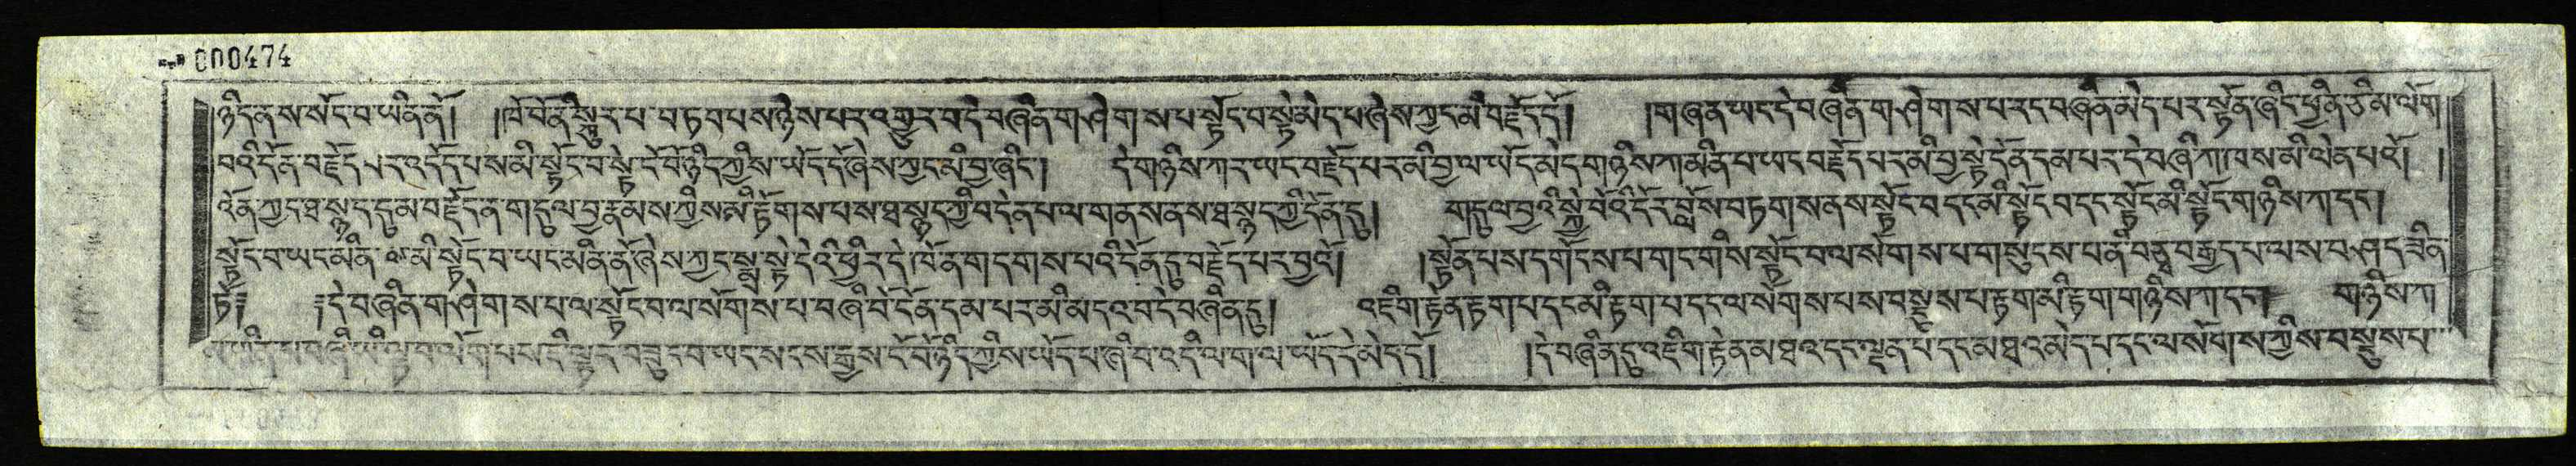ཉིད་ནས་སོང་བ་ཡིན་ནོ། །ཁོ་བོ་ནི་སྐུར་པ་བཏབ་པས་ཉེས་པར་འགྱུར་བ་དེ་བཞིན་གཤེགས་པ་སྟོང་བ་སྟེ་མེད་པ་ཞེས་ཀྱང་མི་བརྗོད་དོ། །གཞན་ཡང་དེ་བཞིན་གཤེགས་པ་རང་བཞིན་མེད་པར་སྟོན་ཞིང་ཕྱིན་ཅི་མ་ལོག་
བའི་དོན་བརྗོད་པར་འདོད་པས་མི་སྟོང་བ་སྟེ་ངོ་བོ་ཉིད་ཀྱིས་ཡོད་དོ་ཞེས་ཀྱང་མི་བྱ་ཞིང་། དེ་གཉིས་ཀར་ཡང་བརྗོད་པར་མི་བྱ་ལ་ཡོད་མེད་གཉིས་ཀ་མིན་པ་ཡང་བརྗོད་པར་མི་བྱ་སྟེ་དོན་དམ་པར་དེ་བཞི་ཀ་ཁས་མི་ལེན་པའོ། །
འོན་ཀྱང་ཐ་སྙད་དུ་མ་བརྗོད་ན་གདུལ་བྱ་རྣམས་ཀྱིས་མི་རྟོགས་པས་ཐ་སྙད་ཀྱི་བདེན་པ་ལ་གནས་ནས་ཐ་སྙད་ཀྱི་དོན་དུ། གདུལ་བྱའི་སྐྱེ་བོའི་དོར་བློས་བཏགས་ནས་སྟོང་བ་དང་མི་སྟོང་པ་དང་སྟོང་མི་སྟོང་གཉིས་ཀ་དང་།
སྟོང་པ་ཡང་མིན་པ?་མི་སྟོང་བ་ཡང་མིན་ནོ་ཞེས་ཀྱང་སྨྲ་སྟེ་དེའི་ཕྱིར་དེ་ཁོ་ན་གདགས་པའི་དོན་དུ་བརྗོད་པར་བྱའོ། །སྟོན་པས་དགོངས་པ་གང་གིས་སྟོང་པ་ལ་སོགས་པ་གསུངས་པ་ནི་བཅྭ་བརྒྱད་པ་ལས་བཤད་ཟིན་
ཏོ༑ ༑དེ་བཞིན་གཤེགས་པ་ལ་སྟོང་བ་ལ་སོགས་པ་བཞི་བོ་དོན་དམ་པར་མི་མངའ་བ་དེ་བཞིན་དུ། འཇིག་རྟེན་རྟག་པ་དང་མི་རྟག་པ་དང་ལ་སོགས་པས་བསྡུས་པ་རྟག་མི་རྟག་གཉིས་ཀ་དང་། གཉིས་ཀ་
མ་ཡིན་པ་བཞི་ཡི་ལྟ་བ་ལོག་པས་ཇི་ལྟར་བཟུང་བ་ཡང་སངས་རྒྱས་ངོ་བོ་ཉིད་ཀྱིས་ཡོད་པ་ཞི་བ་འདི་ལ་ག་ལ་ཡོད་དེ་མེད་དོ། །དེ་བཞིན་དུ་འཇིག་རྟེན་མཐའ་དང་ལྡན་པ་དང་མཐའ་མེད་པ་དང་ལ་སོགས་ཀྱིས་བསྡུས་པ་